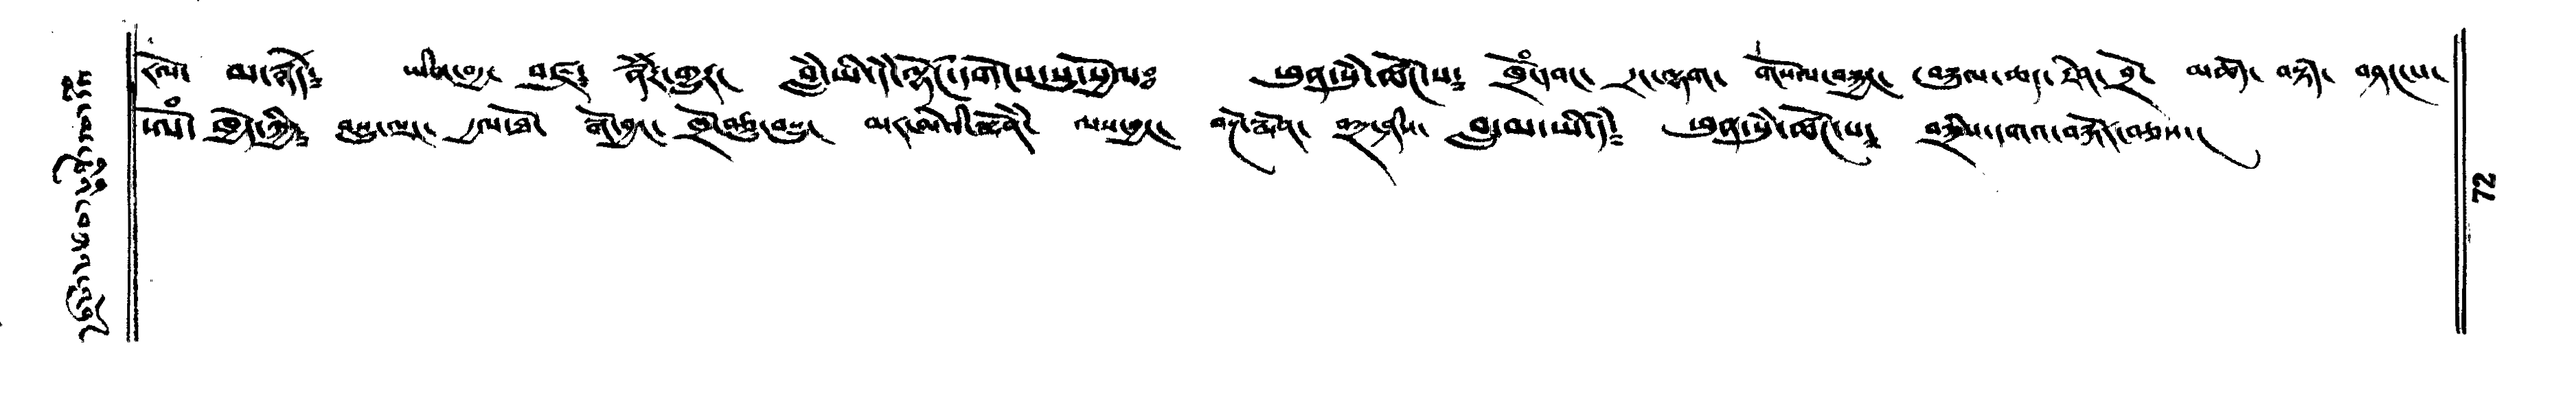རོལ། མ་རྙེད༴ ཡིག་བརྒྱ། བཛྲ༴ རྣམ་པར་གྱུར། བླ་མ་ཡི་དམ་ལྷ་ཚོགས་དགོངས་སུ་གསོལཿ ཕུན་སུམ་ཚོགས་པ༴ ཁྲོམ་དབང་། དྲང་ལྷག། གསོལ་བསྐྱང་།བསྐུལ་ཆད་བརྟན་བྲོ། མཆོད་བསྟོད་བཤགས་པ། 
ཨོཾ། ཁྱེད་ཀྱི༴ བསྡུ་ལྡང་། རྒྱལ་ཐོ། སྒོ་བྱང་། ཁྲོ་བཅུ་བསྡུ། མར་མེའི་སྨོན་ལམ། ལས་བྱང་། བསྔོ་སྨོན། བཀྲ་ཤིས། བླ་མ་ཡི་དམ༴ ཕུན་སུམ་ཚོགས་པ༴ བཀྲ་ཤིས་དགའ་བསྐོར་བཅས་སོ།། དགེའོ།།